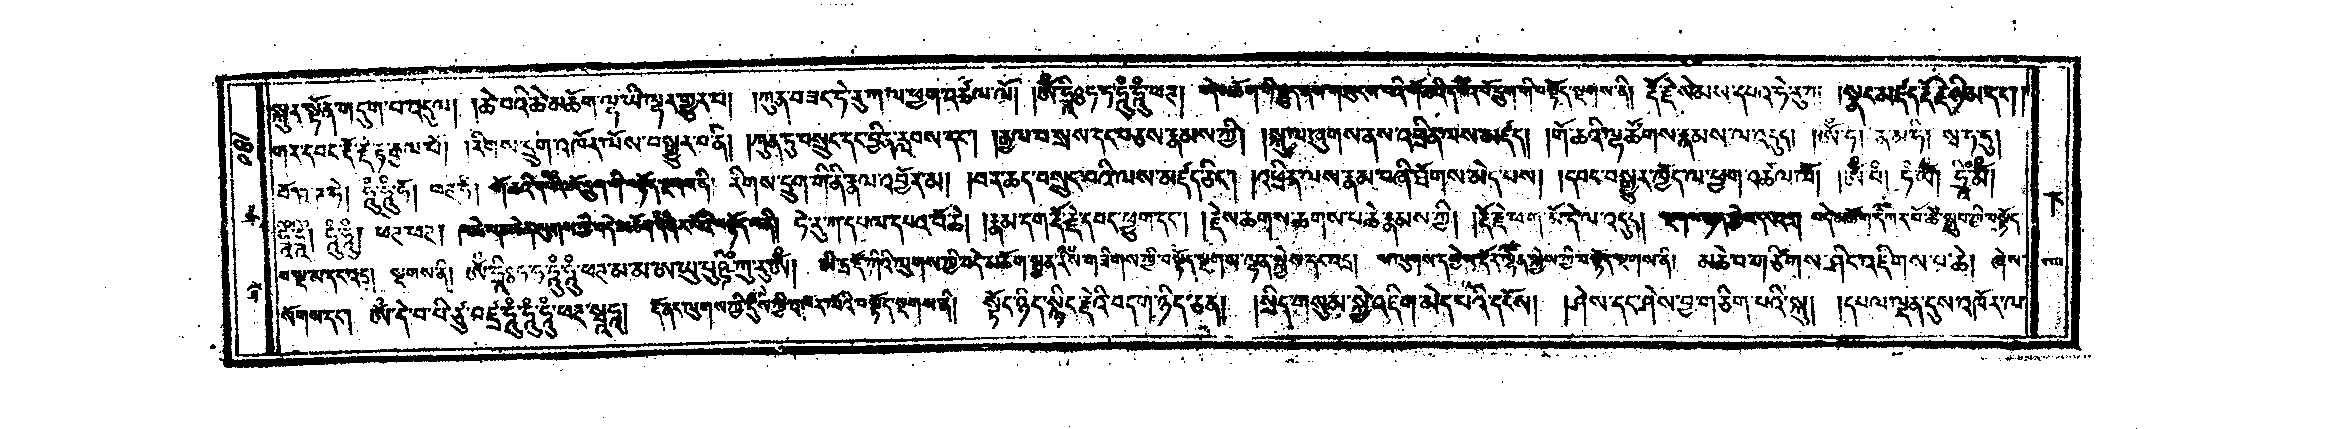སྐུར་སྟོན་གདུག་པ་འདུལ། །ཆེ་བའི་ཆེ་མཆོག་ལྷ་ཡི་ལྷར་གྱུར་པ། །ཀུན་བཟང་ཧེ་རུ་ཀ་ལ་ཕྱག་འཚལ་ལོ། །ཨོཾ་ཧྲཱིཿཧ་ཧ་ཧཱུཾ་ཧཱུཾ་ཕཊ། བདེ་མཆོག་གི་རྒྱུད་ནས་གསུངས་བའི་གོ་ཆའི་དཔའ༢༡་བོ་དྲུག་གི་བསྟོད་སྔགས་ནི། རྡོ་རྗེ་སེམས་དཔའ་ཧེ་རུ་ཀ །སྣང་མཛད་རྡོ་རྗེ་ཉི་མ་དང་། །
གར་དབང་རྡོ་རྗེ་རྟ་རྒྱལ་པོ། །རིགས་དྲུག་འཁོར་ལོས་བསྒྱུར་བ་ནི། །ཀུན་ཏུ་བསྲུང་དང་བྱིན་རླབས་དང་། །རྒྱལ་བ་སྲས་དང་བཅས་རྣམས་ཀྱི། །སྐུ་ལ་ཞུགས་ནས་འཕྲིན་ལས་མཛད། །གོ་ཆའི་ལྷ་ཚོགས་རྣམས་ལ་འདུད། །ཨོཾ་ཧ། ན་མ་ཧི། སྭ་ཧ་ཧུ། །
བོ་ཥ་ཌ་ཧེ། ཧཱུཾ་ཧཱུཾ་ཧོ། ཕཊ་ཧཾ། གོ་ཆའི་དཔའ༢༢་མོ་དྲུག་གི་བསྟོད་སྔགས་ནི། རིགས་དྲུག་གི་ནི་རྣལ་འབྱོར་མ། །བར་ཆད་བསྲུང་བའི་ལས་མཛད་ཅིང་། །འཕྲིན་ལས་རྣམ་བཞི་ཐོགས་མེད་པས། །དབང་བསྒྱུར་ཁྱོད་ལ་ཕྱག་འཚལ་ལོ། །ཨོཾ་བཾ། ཧཾ་ཡོཾ། ཧྲཱིཾ་མོཾ།
ཧྲཱིཾ་ཧྲཱིཾ། ཧཱུཾ་ཧཱུཾ། ཕཊ་ཕཊ། ཁ་ཆེ་པཎ་ཆེན་ལུགས་ཀྱི་བདེ་མཆོག་དཀར༢༣་པོའི་བསྟོད་པ་ནི། ཧེ་རུ་ཀ་དཔལ་དཔའ་བོ་ཆེ། །རྣམ་དག་རྡོ་རྗེ་དབང་ཕྱུག་དང་། །རྗེས་ཆགས་ཆགས་པ་ཆེ་རྣམས་ཀྱི། །རྡོ་རྗེ་ཕག་མོ་དེ་ལ་འདུད། སྔགས་ལྷན་སྐྱེས་དང་འདྲ། བདེ་མཆོག་དཀར༢༤་པོ་ཚེ་སྒྲུབ་ཀྱི་བསྟོད་
པ་སྔ་མ་དང་འདྲ། སྔགས་ནི། ཨོཾ་ཧྲཱིཿཧ་ཧ་ཧཱུཾ་ཧཱུཾ་ཕཊ་མ་མ་ཨ་ཡུ་པུཥྚིཾ་ཀུ་རུ་ཨོཾ། མི་ཏྲ་ཛོ་ཀིའི་ལུགས་ཀྱི་བདེ་མཆོག་སྤྱན་རས༢༥་གཟིགས་ཀྱི་བསྟོད་སྔགས་ལྷན་སྐྱེས་དང་འདྲ། ས་ལུགས་དགྱེས་རྡོར་ལྷན༢༦་སྐྱེས་ཀྱི་བསྟོད་སྔགས་ནི། མཆེ་བ་གཙིགས་ཤིང་འཇིགས་པ་ཆེ། ཞེས་
སོགས་དང་། ཨོཾ་དེ་བ་པི་ཙུ་བཛྲ་ཧཱུཾ་ཧཱུཾ་ཧཱུཾ་ཕཊ་སྭཱཧཱ། ཇོ་ནང་ལུགས་ཀྱི་དུས༢༧་ཀྱི་འཁོར་ལོའི་བསྟོད་སྔགས་ནི། སྟོང་ཉིད་སྙིང་རྗེའི་བདག་ཉིད་ཅན། །སྲིད་གསུམ་སྐྱེ་འཇིག་མེད་པའི་དངོས། །ཤེས་དང་ཤེས་བྱ་གཅིག་པའི་སྐུ། །དཔལ་ལྡན་དུས་འཁོར་ལ་